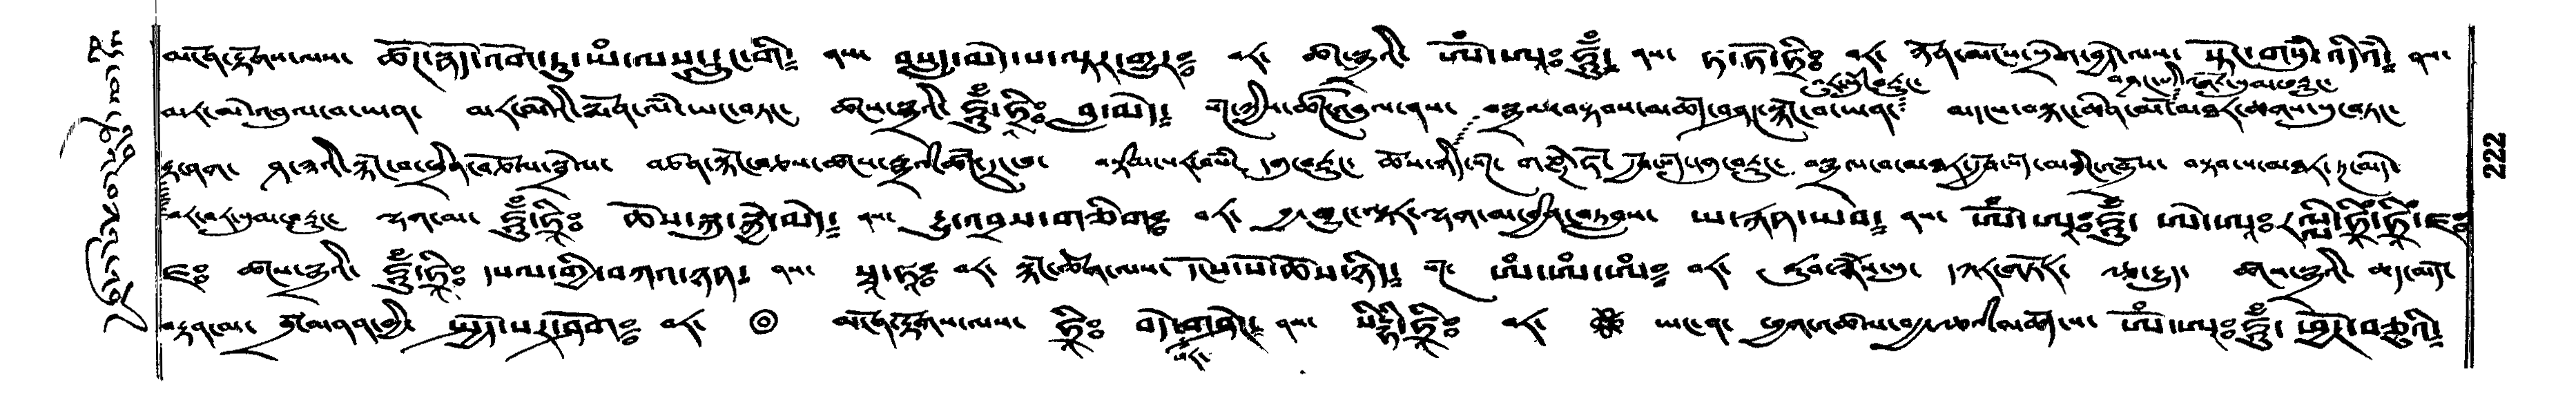མངོན་རྟོགས་ལས། ཚོགས་སྣོད་འོག་ཏུ་ཡྃ་ལས་རླུང་གི༴ ནས། བསླད་མེད་པ་ལྟར་གྱུར༔ བར། ཚངས་སྒྲའི། ཨོཾ་ཨཱཿཧཱུྃ༔ ནས། ཧ་ཧོ་ཧྲཱིཿ བར། ཉོན་མོངས་སྲེག་བྱེད་ལས། སྟོང་གསུམ་འདིའམ༴ ནས། 
མར་མེ་འབུལ་བ་ཡན། མར་མེའི་སྨོན་ལམ་ཡང་གཏང་།ཚངས་སྒྲའི། ཧཱུྃ་ཧྲཱི༔ བླ་མེད༴ སོགས་ཀྱི་ཚོགས་འབུལ། བསྒྲལ་བསྟབ་མཆོད་བཤགས་སྐོང་བ་ཡན། མདངས་སྐོང་ཆེན་མོ་མཐར་ཆགས་སུ་གཏང། 
རྟ་ནག ཤ་ཟའི་སྐོང་བ་ཕྲིན་བཅོལ་སྦྲེལ། བཙན་སྐོང་བཅས། ཚངས་སྒྲའི་ཚོགས་དྲང་བ། བསྟིམ་པར་བསམ། ཆོས་ཉིད་སོགས། གཅོད་མཚམས་ཞོག རྒྱོབ་ཡོད་དགུ་བརྡུང་། བསྒྲལ་བ་མཐར་སྔ་ཡོད་མཐིང་འགྲོས། བསྟབ་པ་མཐར་སྔ་མེད།
བར་བར་སུམ་བརྡུང། ལྷག་མ། ཧཱུྃ་ཧྲཱི༔ ཆོས་སྐུ་སྐྱེ་མེད༴ ནས། རྒྱུ་འབྲས་གཅིག༔ བར། བྱ་ཁྱུང་ལྟར་ལྷག་མ་བྱིན་བརླབ། ཡ་རྐན་ཡབ༴ ནས། ཨོཾ་ཨཱཿཧཱུྃ༔ ཨེ་ཨཱཿརལླི་ཧྲཱིཾ་ཧྲཱིཾ་ཛཿཛཿ 
ཚངས་སྒྲའི། ཧཱུྃ་ཧྲཱི༔ དཔལ་གྱི་བཀའ་ཉན༴ ནས། སྭ་ཧཱ༔ བར། སྐོང་ཆོག་ལས། དངོས་པོ་ཆོས་ཉིད༴ སོགས། ཨཾ་ཨཾ་ཨཾ༔ བར། ནུབ་རྣམས་སུ། དཀར་གཏོར། རྩ་རྒྱུད། ཚངས་སྒྲའི་ཆད་མདོ། 
བརྟན་མ། བྲོ་མནན་གྱི། སྤྱོད་པར་ཤོག༔ བར། མངོན་རྟོགས་ལས། ཧྲཱི༔ བདེ་བར་གཤེགས༴ ནས། སིདྡྷི་ཧྲཱི༔ བར། ཡང་ན། ཕྱག་འཚལ་བརྒྱ་རྩའི་མཆོད་པ། ཨོཾ་ཨཱཿཧཱུྃ༔ ཕྱོགས་བཅུའི༴